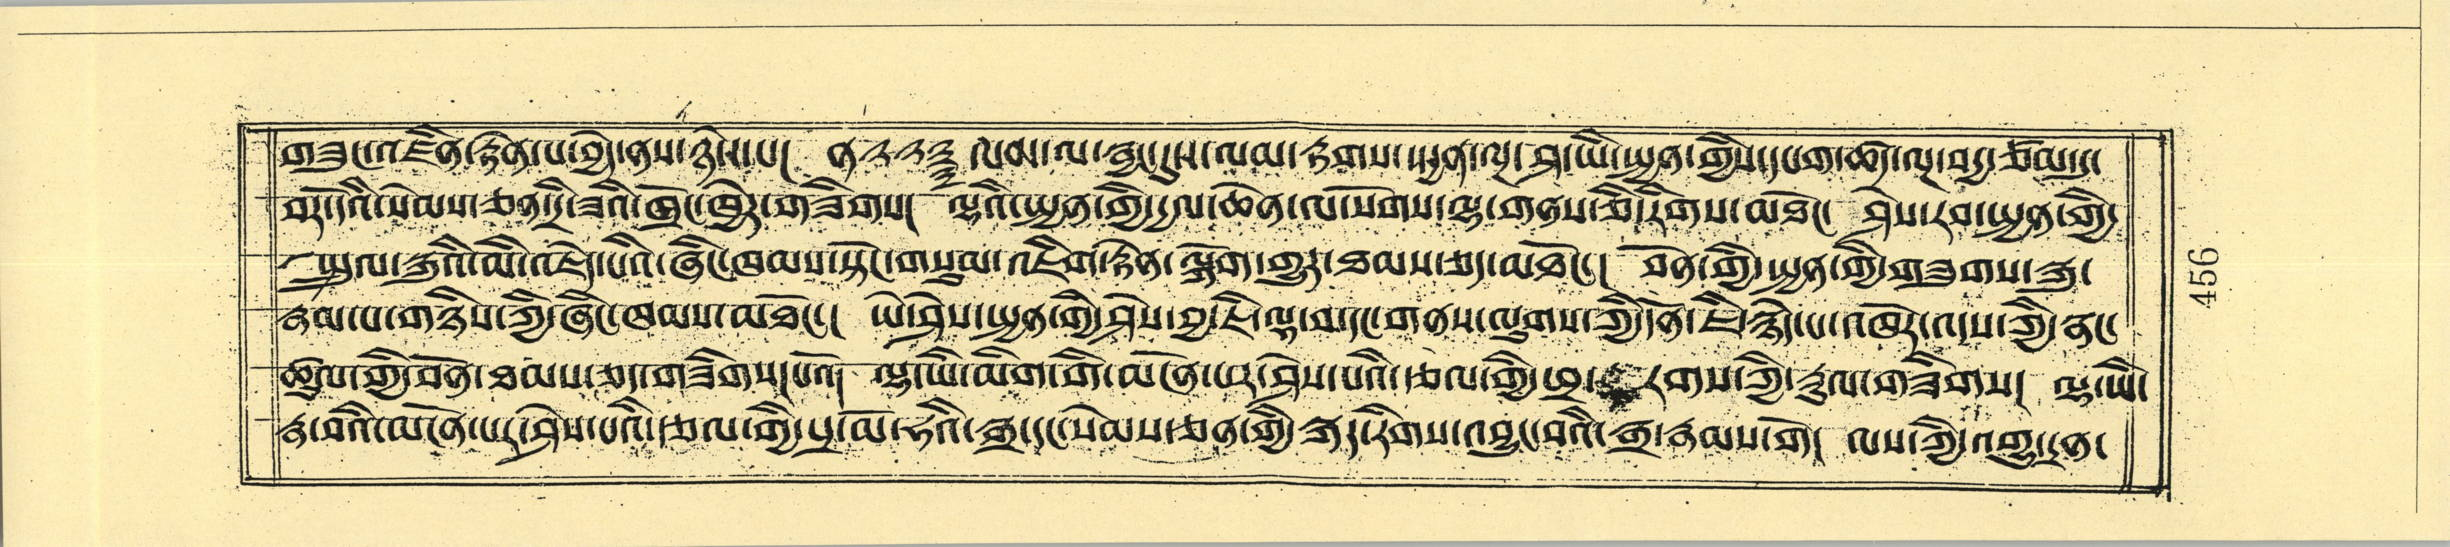གཟུང་འཛིན་བརྟེན་པ་བྱེད་ནས་༼ཉེས་པ༽ན༢༢༣།༣༼ལམ༽ལ་སྦྱང་དུས་ལམ་རྟགས་༼སྤྱན་སྔ༽ཤའི་སྤྱན་གྱིས་དཔག་ཚད་ལྔ་བརྒྱ་ཙམ་དུ་
བར་དོའི་སེམས་ཅན་དྲི་ཟའི་གྲོང་ཁྱེར་གཟིགས། ལྷའི་སྤྱན་གྱིས་རྒྱལ་ཆེན་རིགས་བཞི་ལ་སོགས་ལྷ་གནས་ཅི་རིགས་མཐོང་། ཤེས་རབ་སྤྱན་གྱིས་
སྤྲུལ་སྐུའི་མི་མཇེད་པའི་ཞིང་ཁམས་སྟོང་གསུམ་འཇིག་རྟེན་ལྐོག་གྱུར་ཐམས་ཅད་མཐོང་། བོན་གྱི་སྤྱན་གྱིས་གཟུགས་སྐུ་
རྣམ་པ་གཉིས་ཀྱི་ཞིང་ཁམས་མཐོང་། ཡེ་ཤེས་སྤྱན་གྱིས་ཤེས་བྱ་ཇི་ལྟ་བ་དང་གནས་ལུགས་ཀྱི་དོན་ཇི་སྙེད་པ་འཁོར་འདས་ཀྱི་སྣང་
ཚུལ་གaི་བོན་ཐམས་ཅད་གཟིགས་པའོ། ལྷ་ཡི་མིག་གི་མངོན་པར་ཤེས་པའི་རྩལ་གྱིས་ཕྲ་རགས་ཀྱི་རྡུལ་གཟིགས་ནས། ལྷ་ཡི་
རྣ་བའི་མངོན་པར་ཤེས་པའི་རྩལ་གྱིས་པྲ་མོ་ཧའི་སྒྲ་དང་སེམས་ཅན་གྱི་སྐད་རིགས་འབྱུང་བའི་སྒྲ་རྣམས་གོ ལས་ཀྱི་འགྱུ་དྲན་